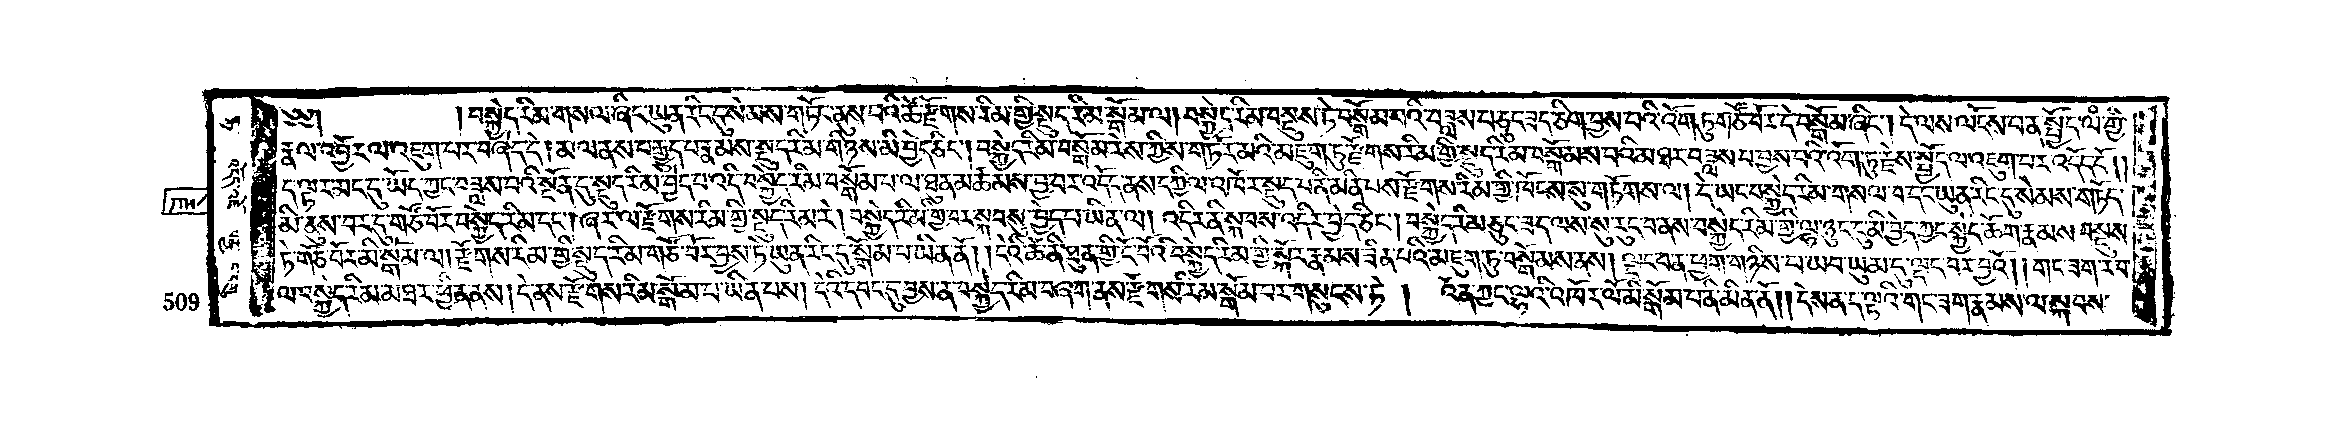༄༅། །བསྐྱེད་རིམ་གསལ་ཞིང་ཡུན་རིང་དུ་སེམས་གཏོང་ནུས་པའི་ཚེ་རྫོགས་རིམ་གྱི་སྡུད་རིམ་སྒོམ་ལ། བསྐྱེད་རིམ་བསྡུས་ཏེ་བསྒོམ་པའི་བཟླས་པ་ཅུང་ཟད་ཅིག་བྱས་པའི་འོག་ཏུ་གཙོ་བོར་དེ་བསྒོམ་ཞིང་། དེ་ལས་ལངས་པ་ན་སྤྱོད་ལཾ་གྱི་
རྣལ་འབྱོར་ལ་འཇུག་པར་བཞེད་དེ། མལ་ནས་བརྒྱུད་པ་རྣམས་སྡུད་རིམ་གཉིས་མི་བྱེད་ཅིང་། བསྐྱེད་རིམ་བསྒོམ་རེས་ཀྱིས་གཏོར་མའི་མཇུག་ཏུ་རྫོགས་རིམ་གྱི་སྡུད་རིམ་བསྒོམས་པའི་མཐར་བཟླས་པ་བྱས་བའི་འོག་ཏུ་རྗེས་སྤྱོད་ལ་འཇུག་པར་འདོད་དོ། །
ད་ལྟར་མང་དུ་ཡོད་ཀྱང་བཟླས་པའི་སྔོན་དུ་སྡུད་རིམ་བྱེད་པ་འདི་བསྐྱེད་རིམ་བསྒོམ་པ་ལ་ཐུན་མཚམས་བྱ་བར་འདོད་ནས་དཀྱིལ་འཁོར་སྡུད་པ་ནི་མིན་པས་རྫོགས་རིམ་གྱི་ཁོངས་སུ་གཏགས་ལ། དེ་ཡང་བསྐྱེད་རིམ་གསལ་བ་དང་ཡུན་རིང་དུ་སེམས་གཏོད་
མི་ནུས་བར་དུ་གཙོ་བོར་བསྐྱེད་རིམ་དང་། ཞར་ལ་རྫོགས་རིམ་གྱི་སྡུད་རིམ་རེ། བསྐྱེད་རིམ་གྱི་བར་སྐབས་སུ་བྱེད་པ་ཡིན་ལ། འདིར་ནི་སྐབས་འདིར་བྱེད་ཅིང་། བསྐྱེད་རིམ་ཅུང་ཟད་ལས་སུ་རུང་བ་ནས་བསྐྱེད་རིམ་གྱི་ལྷ་ཉུང་དུ་མི་བྱེད་ཀྱང་སྐྱེད་ཆོག་རྣམས་བསྡུས་
ཏེ་གཙོ་བོར་མི་སྒོམ་ལ། རྫོགས་རིམ་གྱི་སྡུད་རིམ་གཙོ་བོར་བྱས་ཏེ་ཡུན་རིང་དུ་སྒོམ་པ་ཡིན་ནོ། །དེའི་ཚེ་ནི་ཐུན་གྱི་ངོ་བོའི་བསྐྱེད་རིམ་གྱི་སྐོར་རྣམས་ཟིན་པའི་མཇུག་ཏུ་བསྒོམས་ནས། ལྡང་བ་ན་ཕྱག་གཉིས་པ་ཡབ་ཡུམ་དུ་ལྡང་བར་བྱའོ། །གང་ཟག་རབ་
ལ་བསྐྱེད་རིམ་མཐར་ཕྱིན་ནས། དེ་ནས་རྫོགས་རིམ་སྒོམ་པ་ཡིན་པས། དེའི་དབང་དུ་བྱས་ན་བསྐྱེད་རིམ་བཞག་ནས་རྫོགས་རིམ་སྒོམ་པར་གསུངས་ཏེ། འོན་ཀྱང་ལྷའི་འཁོར་ལོ་མི་སྒོམ་པ་ནི་མིན་ནོ། །དེས་ན་ད་ལྟའི་གང་ཟག་རྣམས་ལ་སྐབས་